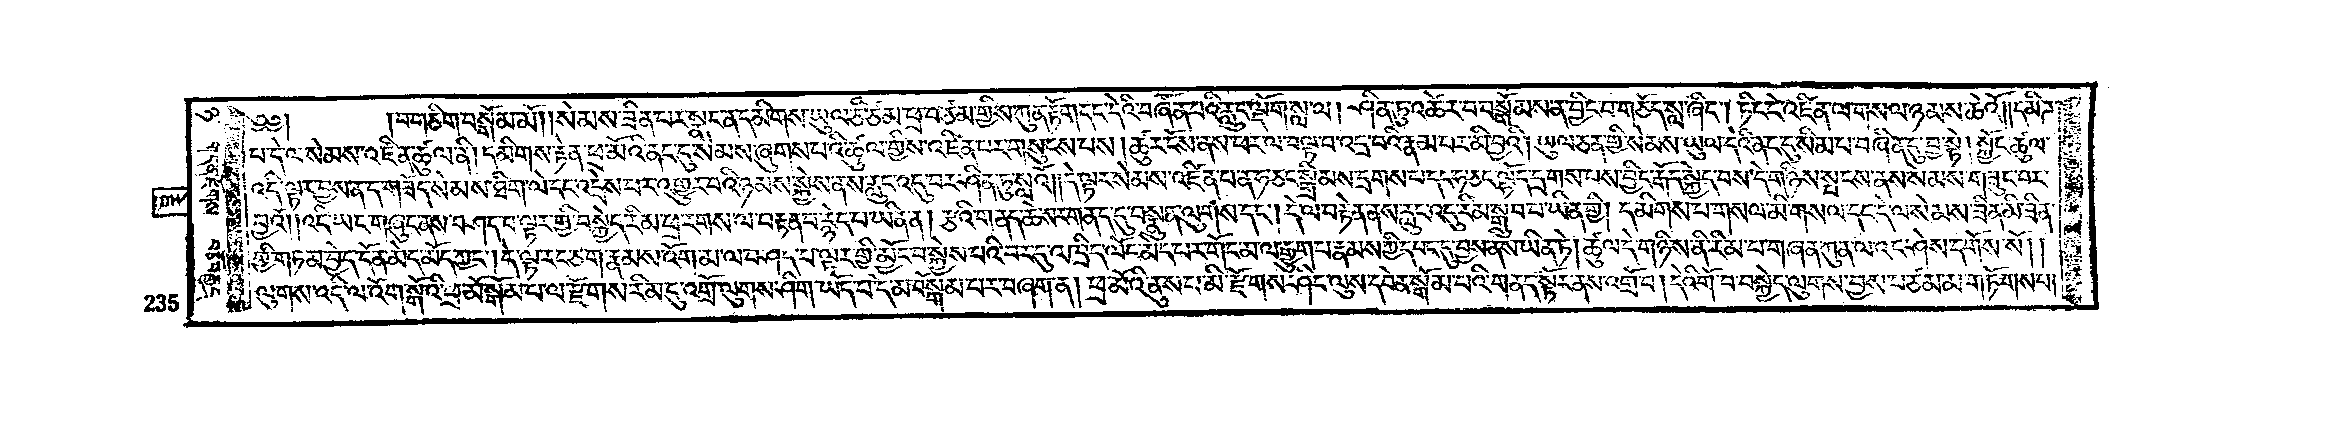༄༅། །བ་གཅིག་བསྒོམ་མོ། །སེམས་ཟིན་པར་སྣང་ན་དམིགས་ཡུལ་ཅི་ཙམ་ཕྲ་བ་ཙམ་གྱིས་ཀུན་རྟོག་དང་དེའི་བཞོན་པའི་རླུང་ལྡོག་སླ་ལ། ཤིན་ཏུ་འཚེར་བ་བསྒོམས་ན་བྱིང་བ་གཅོད་སླ་ཞིང་། ཏིང་ངེ་འཛིན་ལ་གསལ་ཉམས་ཆེའོ། །དམིཌ་
པ་དེ་ལ་སེམས་འཛིན་ཚུལ་ནི། དམིགས་རྟེན་ཕྲ་མོའི་ནང་དུ་སེམས་ཞུགས་པའི་ཚུལ་གྱིས་འཛིན་པར་གསུངས་པས། ཚུར་ངོས་ནས་ཕར་ལ་བལྟ་བ་འདྲ་བའི་རྣམ་པར་མི་བྱའི། ཡུལ་ཅན་གྱི་སེམས་ཡུལ་དེའི་ནང་དུ་སིམ་པ་བཞིན་དུ་བྱ་སྟེ། སྐྱོང་ཚུལ་
འདི་ལྟར་བྱས་ན་ད་གཟོད་སེམས་ཐིག་ལེ་དང་འདྲེས་པར་འགྱུར་བའི་ཉམས་སྐྱེས་ནས་རླུང་འདུ་བར་ཤིན་ཏུ་སླའོ། །དེ་ལྟར་སེམས་འཛིན་པ་ན་ཧ་ཅང་སྒྲིམས་དྲགས་པ་དང་ཧ་ཅང་ལྷོད་དྲགས་པས་བྱིང་རྒོད་སྐྱེད་པས་དེ་གཉིས་སྤངས་ནས་སེམས་གཟུང་བར་
བྱའོ། །འདི་ཡང་གཞུང་ནས་བཤད་པ་ལྟར་གྱི་བསྐྱེད་རིམ་ཕྲ་རགས་ལ་བརྟན་པ་རྙེད་པ་ཡིན་ན། རྩའི་གནད་ཆེ་སར་གནད་དུ་བསྣུན་ལུགས་དང་། དེ་ལ་བརྟེན་ནས་རླུང་འདུ་རིམ་སྒྲུབ་པ་ཡིན་གྱི། དམིགས་པ་གསལ་མི་གསལ་དང་དེ་ལ་སེམས་ཟིན་མི་ཟིན་
གྱི་གཏམ་བྱེད་དོན་མེད་མོད་ཀྱང་། ད་ལྟ་རང་ཅག་རྣམས་འོག་མ་ལ་བཤད་པ་ལྟར་གྱི་མྱོང་བ་སྐྱེས་པའི་བར་དུ་འཁྲིད་ལོང་མེད་པར་གོང་མ་ལ་རྒྱུག་པ་རྣམས་ཀྱི་དབང་དུ་བྱས་ནས་ཡིན་ཏེ། ཚུལ་དེ་གཉིས་ནི་རིམ་པ་གཞན་ཀུན་ལ་འང་ཤེས་དགོས་སོ། །
ལུགས་འདི་ལ་འོག་སྒོའི་ཕྲ་མོ་སྒོམ་པ་ལ་རྫོགས་རིམ་དུ་འགྲོ་ལུགས་ཤིག་ཡོད་པ་དེ་མ་བསྒོམ་པར་བཞག་ན། ཕྲ་མོའི་ནུས་པ་མི་རྫོགས་ཤིང་ལུས་དབེན་སྒོམ་པའི་གནད་སྟོར་ནས་འགྲོ་བ། དེའི་གོ་བ་བསྐྱེད་ལུགས་བྱས་པ་ཙམ་མ་གཏོགས་པ།